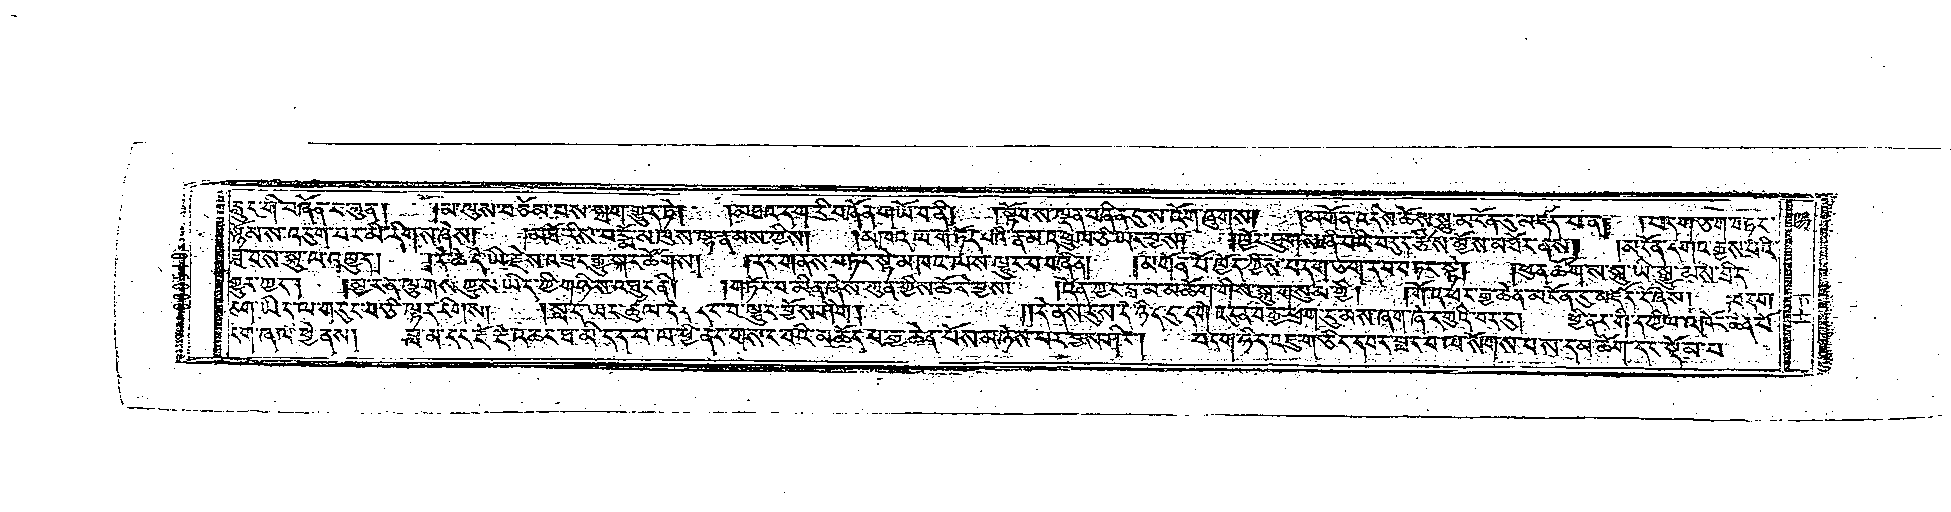རླུང་གི་བཞོན་བ་ཀུན། །མ་ལུས་བཅོམ་པས་སྐྲག་གྱུར་ཏེ། །མཐའ་དག་དྲི་བཞོན་གཡོ་བ་ནི། །སྟོབས་ལྡན་བཞིན་དུ་ས་འོག་ཞུགས། །མགོན་འདིས་ཆོས་སྐུ་མངོན་དུ་མཛད་པ་ན། །བདག་ཅག་བཏང་
སྙོམས་འདུག་པར་མི་རིགས་ཞེས། །མཐོ་རིས་པདམོ་མ་ལུས་ལྷ་རྣམས་ཀྱིས། །མཁའ་ལ་གཏོར་བའི་རྣམ་འཕྲུལ་ཅི་ཡང་བྱས། །ཁྱོད་ཐུགས་ཞི་བའི་བདུད་རྩིས་མྱོས་མཐོང་ནས། །མངོན་དགའ་རྒྱས་པའི་
ཟླ་བས་སྐུ་ལ་འཁྱུད། །དེ་ཆེ་དེ་ཡི་རྗེས་འབྲང་རྒྱུ་སྐར་ཚོགས། །རང་གནས་བཏང་སྟེ་མཁའ་ལས་ལྷུང་བ་བཞིན། །མགོན་པོ་ཁྱོད་ཀྱིས་བདག་ཅག་རབ་བཏང་སྟེ། །ཕུན་ཚོགས་སྐུ་ཡི་སྒྱུ་མས་བྲིད་
གྱུར་ཀྱང་། །མྱ་ངན་ལྕགས་ཀྱུས་ཡིད་ཀྱི་གཉིས་འཐུང་ནི། །གཏོང་བ་མིན་ཞེས་ཀུན་གྱིས་ཆོ་དེ་བྱས། །འོན་ཀྱང་བླ་མ་མཆོག་གིས་སྐུ་གསུམ་གྱི། །གོ་འཕང་རྒྱ་ཆེན་མངོན་དུ་མཛད་དོ་ཞེས། །བདག་
ཅག་ཡིད་ལ་གདུང་བ་ཅི་ལྟར་རིགས། །སླར་ཡང་ཚུལ་དེར་དང་བ་ལྷུང་བྱོས་ཤིག། །།དེ་ནས་དུས་དེ་ཉིད་དུ་དགེ་འདུན་བརྒྱ་ཕྲག་དུ་མས་ཞག་ཞེ་དགུའི་བར་དུ། ཕྱི་ནང་གི་དཀྱིལ་འཁོར་ཆེན་པོ་
དག་ཞལ་ཕྱེ་ནས། བླ་མ་དང་རྡོ་རྗེ་འཆང་ཐ་མི་དད་པ་ལ་ཕྱི་ནང་གསང་བའི་མཆོད་པ་རྒྱ་ཆེན་པོས་མཉེས་པར་བྱས་ཤིང་། བདག་ཉིད་འཇུག་ཅིང་དབང་བླང་བ་ལ་སོགས་པས་དམ་ཚིག་དང་སྡོམ་པ་